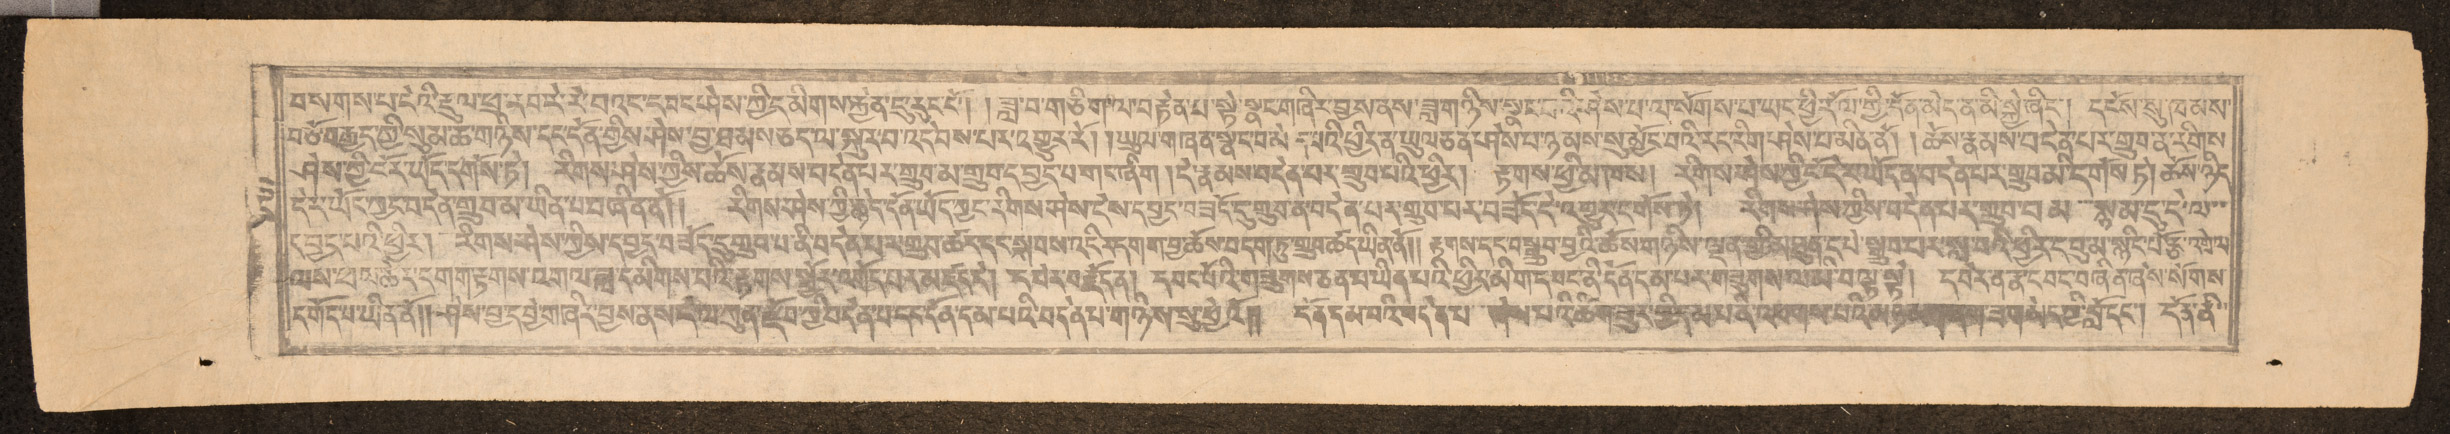བསགས་པ་དེའི་རྔུལ་ཕྲ་རབ་རེ་རེ་བའང་དབང་ཤེས་ཀྱི་དམིགས་རྐྱེན་དུ་རུང་ངོ། །ཟླ་བ་གཅིག་ལ་བརྟེན་པ་སྟེ་སྣང་གཞིར་བྱས་ནས་ཟླ་གཉིས་སྣང་བའི་ཤེས་པ་ལ་སོགས་པ་ཡང་ཕྱི་རོལ་གྱི་དོན་མེད་ན་མི་སྐྱེ་ཞིང་། དངོས་སུ་ཁམས་
བཅོ་བརྒྱད་ཀྱི་སུམ་ཆ་གཉིས་དང་དོན་གྱིས་ཤེས་བྱ་ཐམས་ཅད་ལ་སྐུར་བ་འདེབས་པར་འགྱུར་རོ། །ཡུལ་གཞན་སྣང་བ་མེད་པའི་ཕྱིར་ན་ཡུལ་ཅན་ཤེས་པ་ཉམས་སུ་མྱོང་བའི་རང་རིག་ཤེས་པ་མིན་ནོ། །ཆོས་རྣམས་བདེན་པར་གྲུབ་ན་རིགས་
ཤེས་ཀྱི་ངོར་ཡོད་དགོས་ཏེ། རིགས་ཤེས་ཀྱིས་ཆོས་རྣམས་བདེན་པར་གྲུབ་མ་གྲུབ་དབྱད་པ་གང་ཞིག །དེ་རྣམས་བདེན་པར་གྲུབ་པའི་ཕྱིར། རྟགས་ཕྱི་མ་ཁས། རིགས་ཤེས་ཀྱི་ངོ་དེར་ཡོད་ན་བདེན་པར་གྲུབ་མི་དགོས་ཏེ། ཆོས་ཉིད་
དེར་ཡོང་ཀྱང་བདེན་གྲུབ་མ་ཡིན་པ་བཞིན་ནོ།། རིགས་ཤེས་ཀྱི་རྙེད་དོན་ཡོད་ཀྱང་རིགས་ཤེས་དེས་དབྱད་བཟོད་དུ་གྲུབ་ན་བདེན་པར་གྲུབ་པར་བཟོད་དེ་འགྱུར་དགོས་ཏེ། རིགས་ཤེས་ཀྱིས་བདེན་པར་གྲུབ་བམ་སྙམ་དུ་དེ་ལ་
དབྱད་པའི་ཕྱིར། རིགས་ཤེས་ཀྱིས་དབྱད་བཟོད་དུ་གྲུབ་པ་ནི་བདེན་པར་གྲུབ་ཚད་དང་སྐབས་འདིར་དགག་བྱ་ཆོས་བདག་ཏུ་གྲུབ་ཚད་ཡིན་ནོ།། རྟགས་དང་བསྒྲུབ་བྱའི་ཆོས་གཉིས་ལྡན་གྱི་མཐུན་དཔེ་སྒྲུབ་པར་སླ་བའི་ཕྱིར་དབུ་མ་སྙིང་པོ་རྩ་འགྲེལ་
ལས་ཕལ་ཆེར་དགག་རྟགས་འགལ་ཟླ་དམིགས་པའི་རྟགས་སྦྱོར་འགོད་པར་མཛད་དེ། དབེར་བརྗོད་ན། དབང་པོའི་གཟུགས་ཅན་བ་ཡིན་པའི་ཕྱིར་མིག་དབང་ནི་དོན་དམ་པར་གཟུགས་ལ་མི་བལྟ་སྟེ། དབེར་ན་རྣ་དབང་བཞིན་ཞེས་སོགས་
དགོད་པ་ཡིན་ནོ།། ཤེས་བྱ་དབྱེ་གཞིར་བྱས་ནས་དེ་ལ་ཀུན་རྫོབ་ཀྱི་བདེན་པ་དང་དོན་དམ་པའི་བདེན་པ་གཉིས་སུ་ཕྱེའོ།། དོན་དམ་པའི་བདེན་པ་ཞེས་པའི་ཚིག་ཟུར་གྱི་དམ་པ་ནི་འཕགས་པའི་མཉམ་གཞག་ཟག་མེད་ཀྱི་བློ་དང་། དོན་ནི་